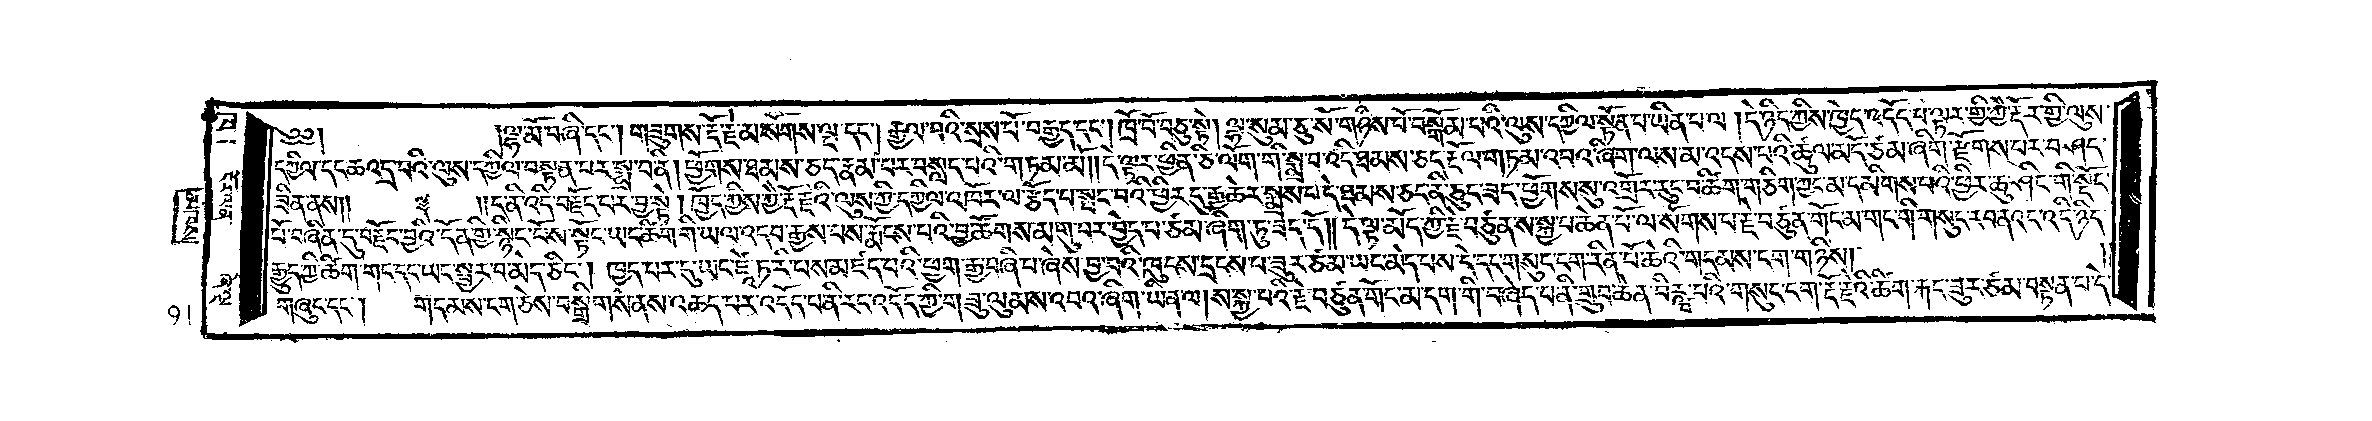༄༅། །ལྷ་མོ་བཞི་དང་། གཟུགས་རྡོ་རྗེ་མ་སོགས་ལྔ་དང་། རྒྱལ་བའི་སྲས་པོ་བརྒྱད་དང་། ཁྲོ་བོ་བཅུ་སྟེ། ལྷ་སུམ་ཅུ་སོ་གཉིས་པོ་བསྒོམ་པའི་ལུས་དཀྱིལ་སྟོན་པ་ཡིན་ལ། དེ་ཉིད་ཀྱིས་ཁྱེད་འདོད་པ་ལྟར་གྱི་ཀྱཻ་རྡོར་གྱི་ལུས་
དཀྱིལ་དང་ཆ་འདྲ་བའི་ལུས་དཀྱིལ་བསྟན་པར་སྨྲ་བ་ནི། ཕྱོགས་ཐམས་ཅད་རྣམ་པར་བསླད་པའི་གཏམ་མོ། །དེ་ལྟར་ཕྱིན་ཅི་ལོག་གི་སྨྲ་བ་འདི་ཐམས་ཅད་རྡོལ་གཏམ་འབའ་ཞིག་ལས་མ་འདས་པའི་ཚུལ་མདོ་ཙམ་ཞིག་རྫོགས་པར་བཤད་
ཟིན་ནས།། ༈ །།ད་ནི་འདི་བརྗོད་པར་བྱ་སྟེ། ཁྱེད་ཀྱིས་ཀྱཻ་རྡོ་རྗེའི་ལུས་ཀྱི་དཀྱིལ་འཁོར་ལ་རྩོད་པ་སྤང་བའི་ཕྱིར་དུ་རྒྱ་ཆེར་སྨྲས་པ་དེ་ཐམས་ཅད་ན་ཅུང་ཟད་ཕྱོགས་སུ་འགྲོར་རུང་བ་ཚིག་གཅིག་ཀྱང་མ་དམིགས་པའི་ཕྱིར་ཆུ་ཤིང་གི་སྡོང་
པོ་བཞིན་དུ་བརྗོད་བྱའི་དོན་གྱི་སྙིང་པོས་སྟོང་ཡང་ཚིག་གི་ཡལ་འདབ་རྒྱས་པར་རྨོངས་པའི་བྱ་ཚོགས་མགུ་བར་བྱེད་པ་ཙམ་ཞིག་ཏུ་ཟད་དོ། །དེ་ལྟ་མོད་ཀྱི་རྗེ་བཙུན་ས་སྐྱ་པ་ཆེན་པོ་ལ་སོགས་པ་རྗེ་བཙུན་གོང་མ་གང་གི་གསུང་རབ་ནའང་འདི་ཉིད་
རྒྱུད་ཀྱི་ཚིག་གང་དང་ཡང་སྦྱར་བ་མེད་ཅིང་། ཁྱད་པར་དུ་ཡང་ཛེའ་ཏ་རི་པས་མཛད་པའི་ཕྱག་རྒྱ་བཞི་པ་ཞེས་བྱ་བའི་ཁུངས་དྲངས་པ་ཟུར་ཙམ་ཡང་མེད་པས་དེ་དང་གསུང་ངག་རིང་པོ་ཆེའི་གདམས་ངག་གཉིས།། །།
གཞུང་དང་། །གདམས་ངག་ཅེས་བསྒྲིགས་ནས་འཆད་པར་འདོད་པ་ནི་རང་འདོད་པ་ནི་རང་འདོད་ཀྱི་གཟུ་ལུམས་འབའ་ཞིག་ཡིན་ལ། ས་སྐྱ་པའི་རྗེ་བཙུན་གོང་མ་དག་གི་བཞེད་པ་ནི་གྲུབ་ཆེན་བིརྭ་པའི་གསུང་ངག་རྡོ་རྗེའི་ཚིག་རྐང་ཟུར་ཙམ་བསྟན་པ་དེ་